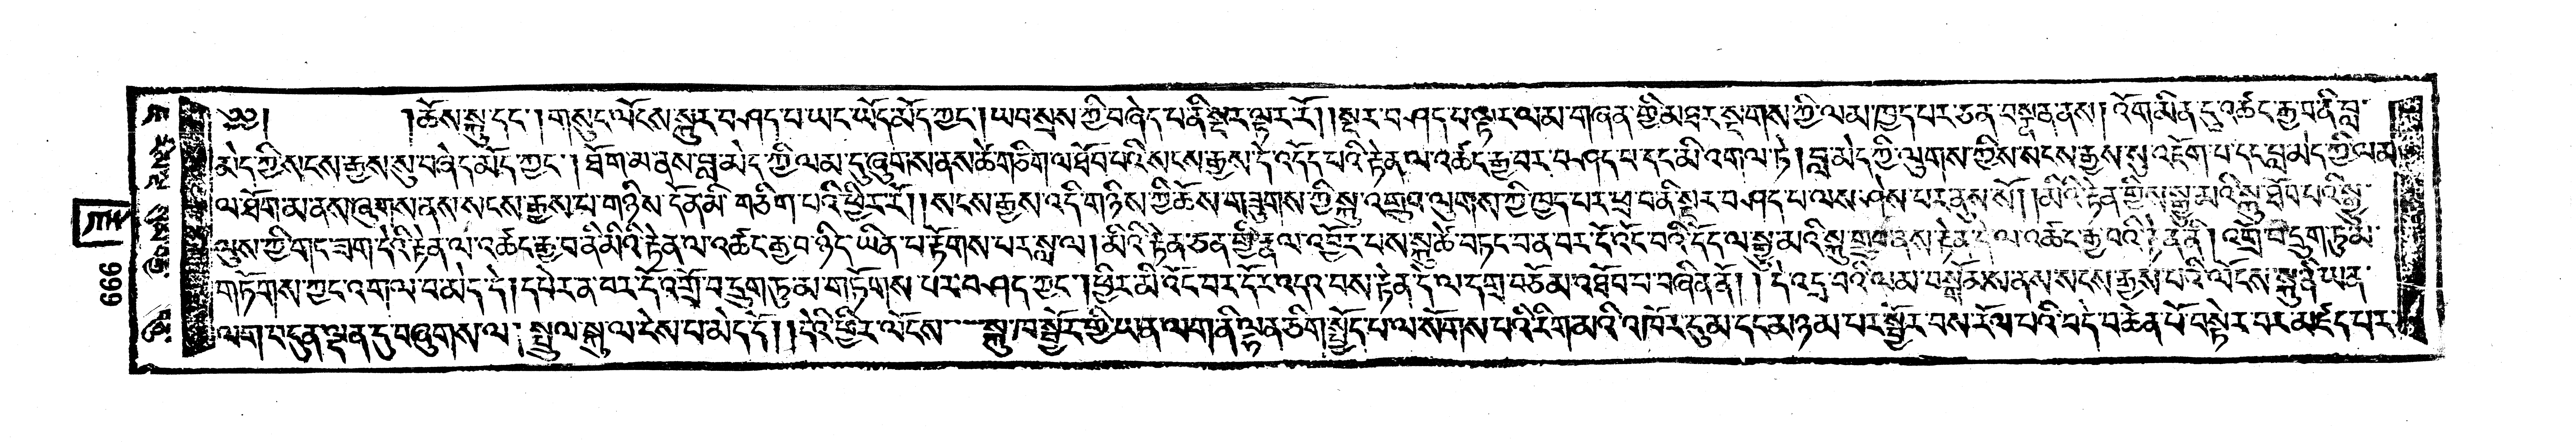༄༅། །ཆོས་སྐུ་དང་། གསུང་ལོངས་སྐུར་བཤད་པ་ཡང་ཡོད་མོད་ཀྱང་། ཡབ་སྲས་ཀྱི་བཞེད་པ་ནི་སྔར་ལྟར་རོ། །སྔར་བཤད་པ་ལྟར་ལམ་གཞན་གྱི་མཐར་སྔགས་ཀྱི་ལམ་ཁྱད་པར་ཅན་བསྣན་ནས། འོག་མིན་དུ་འཚང་རྒྱ་བ་ནི་བླ་
མེད་ཀྱི་སངས་རྒྱས་སུ་བཞེད་མོད་ཀྱང་། ཐོག་མ་ནས་བླ་མེད་ཀྱི་ལམ་དུ་ཞུགས་ནས་ཚེ་གཅིག་ལ་ཐོབ་པའི་སངས་རྒྱས་དེ་འདོད་པའི་རྟེན་ལ་འཚང་རྒྱ་བར་བཤད་པ་དང་མི་འགལ་ཏེ། བླ་མེད་ཀྱི་ལུགས་ཀྱིས་སངས་རྒྱས་སུ་འཇོག་པ་དང་བླ་མེད་ཀྱི་ལམ་
ལ་ཐོག་མ་ནས་ཞུགས་ནས་སངས་རྒྱས་པ་གཉིས་དོན་མི་གཅིག་པའི་ཕྱིར་རོ། །སངས་རྒྱས་འདི་གཉིས་ཀྱི་ཆོས་གཟུགས་ཀྱི་སྐུ་འགྲུབ་ལུགས་ཀྱི་ཁྱད་པར་ཕྲ་བ་ནི་སྔར་བཤད་པ་ལས་ཤེས་པར་ནུས་སོ། །མིའི་རྟེན་གྱིས་སྒྱུ་མའི་སྐུ་ཐོབ་པའི་སྒྱུ་
ལུས་ཀྱི་གང་ཟག་དེའི་རྟེན་ལ་འཚང་རྒྱ་བ་ནི་མིའི་རྟེན་ལ་འཚང་རྒྱ་བ་ཉིད་ཡིན་པ་རྟོགས་པར་སླ་ལ། མིའི་རྟེན་ཅན་གྱི་རྣལ་འབྱོར་པས་སྐུ་ཚེ་བཏང་བ་ན་བར་དོ་འོང་བའི་དོད་ལ་སྒྱུ་མའི་སྐུ་གྲུབ་ནས་རྟེན་དེ་ལ་འཚང་རྒྱ་བའི་རྟེན་ནི། འགྲོ་བ་དྲུག་ཏུ་མ་
གཏོགས་ཀྱང་འགལ་བ་མེད་དེ། དཔེར་ན་བར་དོ་འགྲོ་བ་དྲུག་ཏུ་མ་གཏོགས་པར་བཤད་ཀྱང་། ཕྱིར་མི་འོང་བར་དོར་འདའ་བས་རྟེན་དེ་ལ་དགྲ་བཅོམ་འཐོབ་པ་བཞིན་ནོ། །དེ་འདྲ་བའི་ལམ་བསྒོམས་ནས་སངས་རྒྱས་པའི་ལོངས་སྐུ་ནི་ཡན་
ལག་བདུན་ལྡན་དུ་བཞུགས་ལ། སྤྲུལ་སྐུ་ལ་ངེས་པ་མེད་དོ། །དེའི་ཕྱིར་ལོངས་སྐུ་ཁ་སྦྱོར་གྱི་ཡན་ལག་ནི་ལྷན་ཅིག་སྤྱོད་པ་ལ་སོགས་པའི་རིག་མའི་འཁོར་དུ་མ་དང་མཉམ་པར་སྦྱོར་བས་རོལ་པའི་བདེ་བ་ཆེན་པོ་བསྟེར་བར་མཛད་པར་